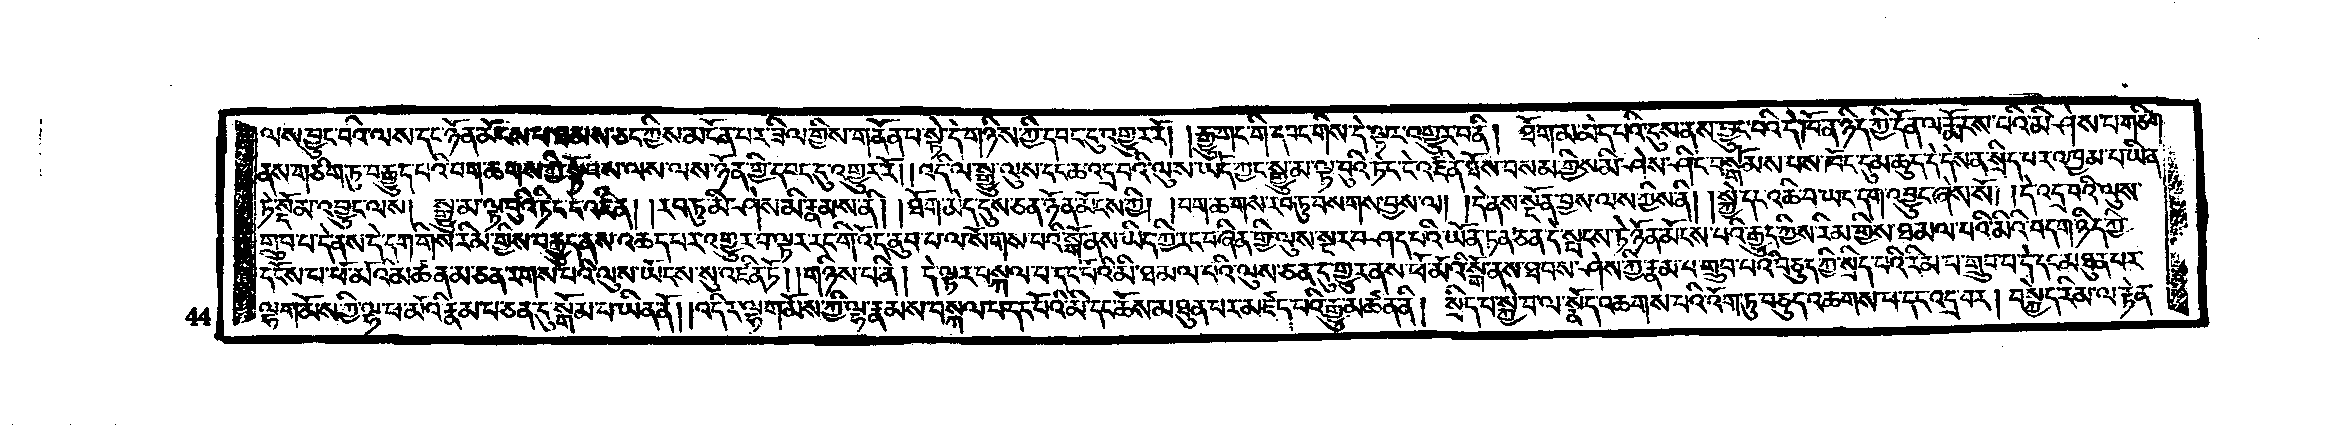ལས་བྱུང་བའི་ལས་དང་ཉོན་མོངས་པ་ཐམས་ཅད་ཀྱིས་མངོན་པར་ཟིལ་གྱིས་གནོན་པ་སྟེ་དེ་གཉིས་ཀྱི་དབང་དུ་འགྱུར་རོ། །རྒྱུ་གང་གི་དབང་གིས་དེ་ལྟར་འགྱུར་བ་ནི། ཐོག་མ་མེད་པའི་དུས་ནས་བྱུང་བའི་དེ་ཁོ་ན་ཉིད་ཀྱི་དོན་ལ་རྨོངས་པའི་མི་ཤེས་པ་གཅིག་
ནས་གཅིག་ཏུ་བརྒྱུད་པའི་བག་ཆགས་ཀྱི་སྟོབས་ལས་ལས་ཉེན་གྱི་དབང་དུ་འགྱུར་རོ། །འདི་ལ་སྒྱུ་ལུས་དང་ཆ་འདྲ་བའི་ལུས་ཡོད་ཀྱང་སྒྱུ་མ་ལྟ་བུའི་ཏིང་ངེ་འཛིན་ཐོས་བསམ་གྱིས་མི་ཤེས་ཤིང་བསྒོམས་པས་ཁོང་དུ་མ་ཆུད་དེ་དེས་ན་སྲིད་པར་འཁྱམ་པ་ཡིན་
ཏེ་སྡོམ་འབྱུང་ལས། སྒྱུ་མ་ལྟ་བུའི་ཏིང་ངེ་འཛིན། །རབ་ཏུ་མི་ཤེས་མི་རྣམས་ནི། །ཐོག་མེད་དུས་ཅན་ཉོན་མོངས་ཀྱི། །བག་ཆགས་རབ་ཏུ་བསགས་བྱས་ལ། །དེ་ནས་སྔོན་བྱས་ལས་ཀྱིས་ནི། །སྐྱེ་དང་འཆི་བ་ཡང་དག་འབྱུང་ཞེས་སོ། །དེ་འདྲ་བའི་ལུས་
གྲུབ་པ་དེ་ནས་དེ་དག་གིས་རིམ་གྱིས་བརྒྱུད་ནས་འཆད་པར་འགྱུར་བ་ལྟར་རང་གི་འོད་ནུབ་པ་ལ་སོགས་པའི་སྒོ་ནས་ཡིད་ཀྱི་རང་བཞིན་གྱི་ལུས་སྔར་བཤད་པའི་ཡོན་ཏན་ཅན་དེ་སྤངས་ཏེ་ཉོན་མོངས་པའི་རྒྱུད་ཀྱིས་རིམ་གྱིས་ཐ་མལ་པའི་མིའི་བདག་ཉིད་ཀྱི་
དངོས་པོ་ཕོ་མོའི་མཚན་མ་ཅན་རགས་པའི་ལུས་ཡོངས་སུ་འཛིན་ཏོ། །གཉིས་པ་ནི། དེ་ལྟར་བསྐལ་པ་དང་པོའི་མི་ཐ་མལ་པའི་ལུས་ཅན་དུ་གྱུར་ནས་ཕོ་མོའི་སྒོ་ནས་ཐབས་ཤེས་ཀྱི་རྣམ་པ་གྲུབ་པའི་བཅུད་ཀྱི་སྲིད་པའི་རིམ་པ་གྲུབ་པ་དེ་དང་མཐུན་པར་
ལྷག་མོས་ཀྱི་ལྷ་ཕ་མོའི་རྣམ་པ་ཅན་དུ་སྒོམ་པ་ཡིན་ནོ། །འདིར་ལྷག་མོས་ཀྱི་ལྷ་རྣམས་བསྐལ་པ་དང་པོའི་མི་དང་ཆོས་མཐུན་པར་མཛད་པའི་རྒྱུ་མཚན་ནི། སྲིད་པ་སྐྱེ་བ་ལ་སྣོད་འཆགས་པའི་འོག་ཏུ་བཅུད་འཆགས་པ་དང་འདྲ་བར། བསྐྱེད་རིམ་ལ་རྟེན་